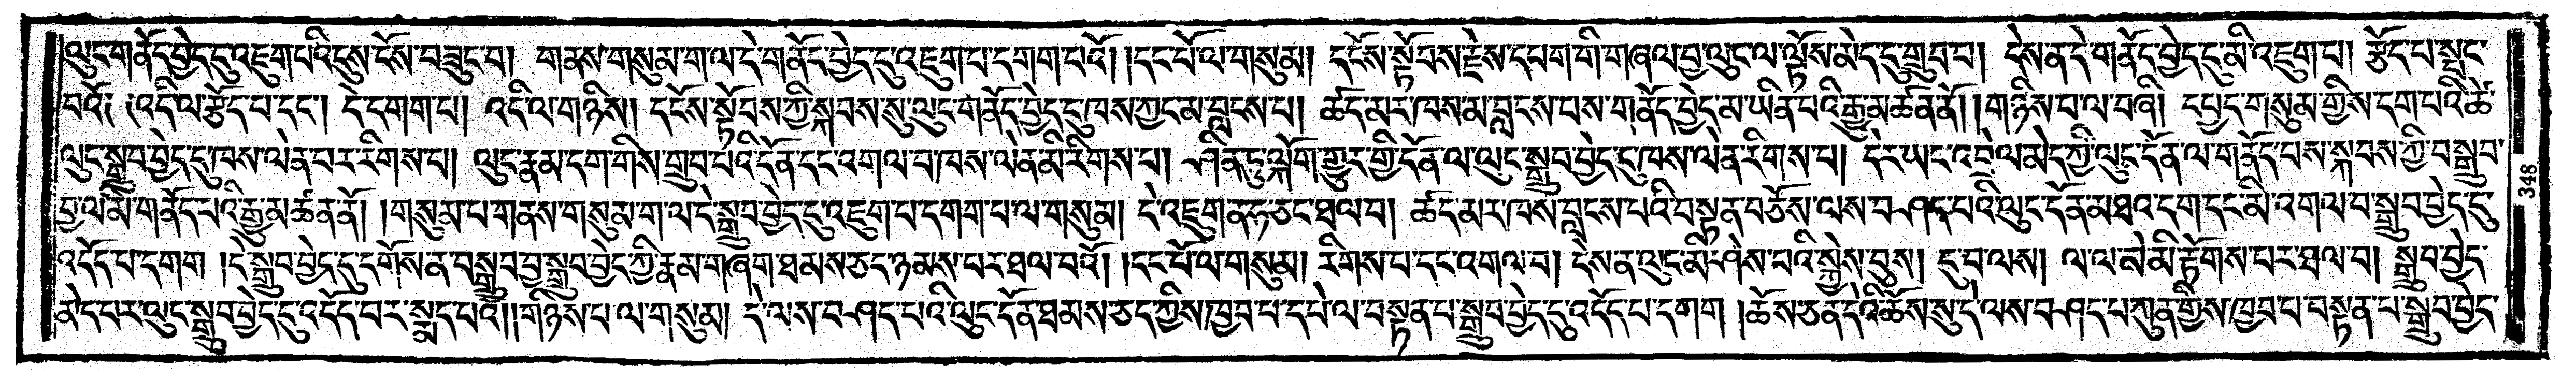ལུང་གནོད་བྱེད་དུ་འཇུག་པའི་དུས་ངོས་བཟུང་བ། གནས་གསུམ་ག་ལ་དེ་གནོད་བྱེད་དུ་འཇུག་པ་དགག་པའོ། །དང་པོ་ལ་གསུམ། དངོས་སྟོབས་རྗེས་དཔག་གི་གཞལ་བྱ་ལུང་ལ་ལྟོས་མེད་དུ་གྲུབ་པ། དེས་ན་དེ་གནོད་བྱེད་དུ་མི་འཇུག་པ། རྩོད་པ་སྤང་
བའོ། །འདི་ལ་རྩོད་པ་དང་། དེ་དགག་པ། འདི་ལ་གཉིས། དངོས་སྟོབས་ཀྱི་སྐབས་སུ་ལུང་གནོད་བྱེད་དུ་ཁས་ཀྱང་མ་བླངས་པ། ཚད་མར་ཁས་མ་བླངས་པས་གནོད་བྱེད་མ་ཡིན་པའི་རྒྱུ་མཚན་ནོ། །གཉིས་པ་ལ་བཞི། དཔྱད་གསུམ་གྱིས་དག་པའི་ཚེ་
ལུང་སྒྲུབ་བྱེད་དུ་ཁས་ལེན་པར་རིགས་པ། ལུང་རྣམ་དག་གིས་གྲུབ་པའི་དོན་དང་འགལ་བ་ཁས་ལེན་མི་རིགས་པ། ཤིན་ཏུ་ལྐོག་གྱུར་གྱི་དོན་ལ་ལུང་སྒྲུབ་བྱེད་དུ་ཁས་ལེན་རིགས་པ། དེར་ཡང་འབྲེལ་མེད་ཀྱི་ལུང་དོན་ལ་གནོད་པས་སྐབས་ཀྱི་བསྒྲུབ་
བྱ་ལ་མི་གནོད་པའི་རྒྱུ་མཚན་ནོ། །གསུམ་པ་གནས་གསུམ་ག་ལ་དེ་སྒྲུབ་བྱེད་དུ་འཇུག་པ་དགག་པ་ལ་གསུམ། དེ་འཇུག་ན་ཧ་ཅང་ཐལ་བ། ཚད་མར་ཁས་བླངས་པའི་བསྟན་བཅོས་ལས་བཤད་པའི་ལུང་དོན་མཐའ་དག་དང་མི་འགལ་བ་སྒྲུབ་བྱེད་དུ་
འདོད་པ་དགག །དེ་སྒྲུབ་བྱེད་དུ་དགོས་ན་བསྒྲུབ་བྱ་སྒྲུབ་བྱེད་ཀྱི་རྣམ་གཞག་ཐམས་ཅད་ཉམས་པར་ཐལ་བའོ། །དང་པོ་ལ་གསུམ། རིགས་པ་དང་འགལ་བ། དེས་ན་ལུང་མི་ཤེས་པའི་སྐྱེས་བུས། དུ་བ་ལས། ལ་ལ་མེ་མི་རྟོགས་པར་ཐལ་བ། སྒྲུབ་བྱེད་
མེད་པར་ལུང་སྒྲུབ་བྱེད་དུ་འདོད་པར་སྨད་པའོ། །གཉིས་པ་ལ་གསུམ། དེ་ལས་བཤད་པའི་ལུང་དོན་ཐམས་ཅད་ཀྱིས་ཁྱབ་པ་དཔེ་ལ་བསྟན་པ་སྒྲུབ་བྱེད་དུ་འདོད་པ་དགག །ཆོས་ཅན་དེའི་ཆོས་སུ་དེ་ལས་བཤད་པ་ཀུན་གྱིས་ཁྱབ་པ་བསྟན་པ་སྒྲུབ་བྱེད་